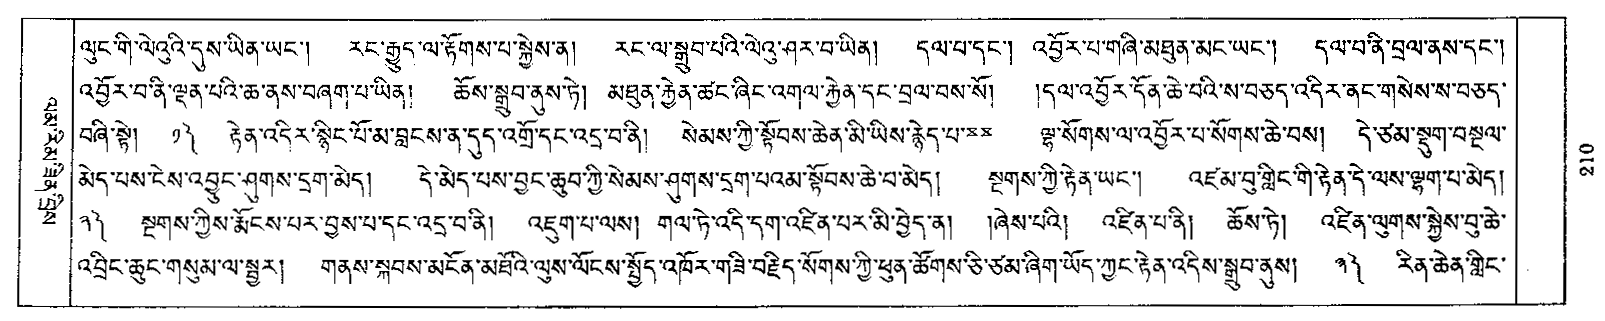ལུང་གི་ལེའུའི་དུས་ཡིན་ཡང་། རང་རྒྱུད་ལ་རྟོགས་པ་སྐྱེས་ན། རང་ལ་སྒྲུབ་པའི་ལེའུ་ཤར་བ་ཡིན། དལ་པ་དང་། འབྱོར་པ་གཞི་མཐུན་མང་ཡང་། དལ་བ་ནི་བྲལ་ནས་དང་།
འབྱོར་བ་ནི་ལྡན་པའི་ཆ་ནས་བཞག་པ་ཡིན། ཆོས་སྒྲུབ་ནུས་ཏེ། མཐུན་རྐྱེན་ཚང་ཞིང་འགལ་རྐྱེན་དང་བྲལ་བས་སོ། །དལ་འབྱོར་དོན་ཆེ་བའི་ས་བཅད་འདིར་ནང་གསེས་ས་བཅད་
བཞི་སྟེ། ༡?་རྟེན་འདིར་སྙིང་པོ་མ་བླངས་ན་དུད་འགྲོ་དང་འདྲ་བ་ནི། སེམས་ཀྱི་སྟོབས་ཆེན་མི་ཡིས་རྙེད་པ་ལྷ་སོགས་ལ་འབྱོར་པ་སོགས་ཆེ་བས། དེ་ཙམ་སྡུག་བསྔལ་
མེད་པས་ངེས་འབྱུང་ཤུགས་དྲག་མེད། དེ་མེད་པས་བྱང་ཆུབ་ཀྱི་སེམས་ཤུགས་དྲག་པའམ་སྟོབས་ཆེ་བ་མེད། སྔགས་ཀྱི་རྟེན་ཡང་། འཛམ་བུ་གླིང་གི་རྟེན་དེ་ལས་ལྷག་པ་མེད།
༢?་སྔགས་ཀྱིས་རྨོངས་པར་བྱས་པ་དང་འདྲ་བ་ནི། འཇུག་པ་ལས། གལ་ཏེ་འདི་དག་འཛིན་པར་མི་བྱེད་ན། །ཞེས་པའི། འཛིན་པ་ནི། ཆོས་ཏེ། འཛིན་ལུགས་སྐྱེས་བུ་ཆེ་
འབྲིང་ཆུང་གསུམ་ལ་སྦྱར། གནས་སྐབས་མངོན་མཐོའི་ལུས་ལོངས་སྤྱོད་འཁོར་གཟི་བརྗིད་སོགས་ཀྱི་ཕུན་ཚོགས་ཅི་ཙམ་ཞིག་ཡོད་ཀྱང་རྟེན་འདིས་སྒྲུབ་ནུས། ༣?་རིན་ཆེན་གླིང་